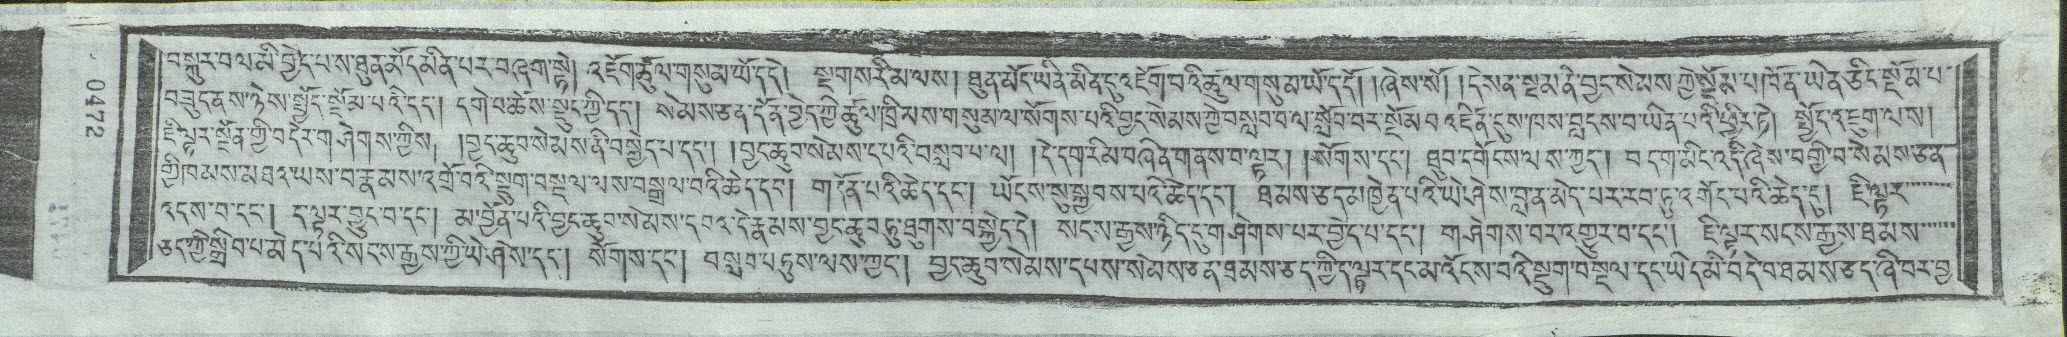བསྐུར་བ་ལ་མི་བྱེད་པས་ཐུན་མོང་མིན་པར་བཞག་སྟེ། འཇོག་ཚུལ་གསུམ་ཡོད་དེ། སྔགས་རིམ་ལས། ཐུན་མོང་ཡིན་མིན་དུ་འཇོག་བའི་ཚུལ་གསུམ་ཡོད་དོ། །ཞེས་སོ། །དེས་ན་སྔ་མ་ནི་བྱང་སེམས་ཀྱི་སྡོམ་པ་ཁོ་ན་ཡིན་ཅིང་སྡོམ་པ་
བཟུང་ནས་ཉེས་སྤྱོད་སྡོམ་པའི་དད། དགེ་བ་ཆོས་སྡུང་ཀྱི་དད། སེམས་ཅན་དོན་བྱེད་ཀྱི་ཚུལ་ཁྲིམས་གསུམ་ལ་སོགས་པའི་བྱང་སེམས་ཀྱི་བསླབ་བ་ལ་སློབ་བར་སྡོམ་བ་འཛིན་དུས་ཁས་བླངས་བ་ཡིན་པའི་ཕྱིར་ཏེ། སྤྱོད་འཇུག་ལས་
ཇི་ལྟར་སྔོན་གྱི་བདེར་གཤེགས་ཀྱིས། །བྱང་ཆུབ་སེམས་ནི་བསྐྱེད་པ་དང་། །བྱང་ཆུབ་སེམས་དཔའི་བསླབ་པ་ལ། །དེ་དག་རིམ་བཞིན་གནས་བ་ལྟར། །སོགས་དང་། ཐུབ་དགོངས་ལས་ཀྱང་། བདག་མེད་འདི་ཞེས་བ་གྱི་བ་སེམས་ཅན་
གྱི་ཁམས་མཐའ་ཡས་བ་རྣམས་འགྲོ་བའི་སྡུག་བསྔལ་ལས་བསྒྲལ་བའི་ཆེད་དབ། གདོན་པའི་ཆེད་དང་། ཡོངས་སུ་སྐྱབས་པའི་ཆེད་དང་། ཐམས་ཅད་མཁྱེན་པའི་ཡེ་ཤེས་བླ་ན་མེད་པར་རབ་ཏུ་འགོང་བའི་ཆེད་དུ། ཇི་ལྟར་
འདས་བ་དང་། ད་ལྟར་བྱུང་བ་དང་། མ་བྱོན་པའི་བྱང་ཆུབ་སེམས་དཔའ་དེ་རྣམས་བྱང་ཆུབ་ཏུ་ཐུགས་བསྐྱེད་དེ། སངས་རྒྱས་ཉིད་དུ་གཤེགས་པར་བྱེད་པ་དང་། གཤེགས་པར་འགྱུར་བ་དང་། ཇི་ལྟར་སངས་རྒྱས་ཐམས་
ཅད་ཀྱི་སྒྲིབ་པ་མེད་པའི་སངས་རྒྱས་ཀྱི་ཡེ་ཤེས་དང་། རྫོགས་དང་། བསླབ་པ་ཏུས་ལས་ཀྱང་། བྱང་ཆུབ་སེམས་དཔས་སེམས་ཅན་ཐམས་ཅད་ཀྱི་ད་ལྟར་དང་མ་འོངས་བའི་སྡུག་བསྔལ་དང་ཡིད་མི་བ་དེ་བ་ཐམས་ཅད་ཞི་བར་